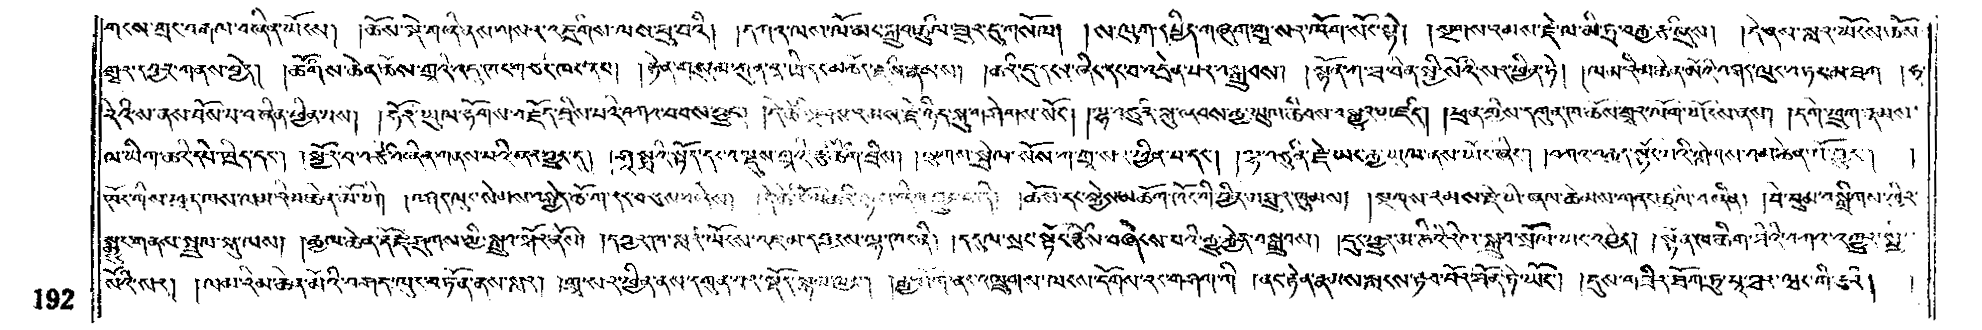གངས་གྲང་བརྒལ་བཞིན་ཡོངས། །ཆོས་སྡེ་གཞི་ནས་གསར་འཛྲགས་ལས་ཕུ་བའི། །དཀའ་ལས་ལོ་མང་སྒྲུབ་ཚུལ་ཟུར་དུ་གསོལ། །ས་ལུག་དཔྱིད་གཞུག་གྲྭ་སར་ཁོག་སོང་སྟེ། །སྔགས་རམས་རྗེ་ལ་མི་ཏྲ་བརྒྱ་རྩི་ཞུས། །དེ་ནས་སླར་ཡོངས་ཆོས་
གྲྭར་དབྱར་གནས་བྱེད། །ཚོགས་ཆེན་ཆོས་གྲྭའི་འདུ་ཁང་གཙང་ཁང་དང་། །རྟེན་གསུམ་ཀུན་རྭ་ཁྲི་དང་མཆོད་རྫས་རྣམས། །ཆ་རི་དུ་དངར་ཞིང་དང་བ་འདྲེན་པར་བསྒྲུབས། །སྟོན་ཀ་ཐ་བིན་སྤྱི་སོའི་སར་ཕྱིན་ཏེ། །ལམ་རིམ་ཆེན་མོའི་བཤད་ལུང་བཏང་མ་ཐག །ཧུ་
རེའི་ས་ནས་བོས་པ་བཞིན་ཕྱིན་པས། །ཧོར་ཡུལ་རྟོགས་བརྗོད་བྲིས་པའི་བཀའ་བབས་བྱུང་། །དེ་ཚེ་སྔགས?་?་ཐམས་རྗེ་ཉིད་སྐུ་གཤེགས་སོང་། །ལྷ་བཙུན་སྐུ་ཞབས་རྒྱ་ཡུལ་ཆིབས་བསྒྱུར་མཛད། །ཕྲན་གྱིས་དགུན་ཁ་ཆོས་གྲྭར་ལོག་ཡོངས་ནས། །དགེ་ཕྲུག་རྣམས་
ལ་ཡིག་ཆའི་དཔེ་ཁྲིད་དང་། །སྦྱོར་བ་བརྩི་བཞིན་གནས་པའི་ནར་བྱུང་དུ། །ཤཱ་སྟྲའི་སྟོད་དང་བསྡུས་གྲྭའི་རྩ་ཚིག་བྲིས། །ལྕགས་སྤྲེལ་སོས་ཀ་གྲྭ་སར་ཕྱིན་པ་དང་། །ལྷ་བཙུན་རྗེ་ཡང་རྒྱ་ཡུལ་ནས་ཡོང་ཞིང་། །བཀའ་བརྒྱད་སྟོང་པའི་གླེགས་བམ་ཆེན་པོ་བྱུང་། །
ཁོང་གིས་ཕྲན་ལས་ལམ་རིམ་ཆེན་མོ་ཡི། །བཤད་ལུང་སེམས་བསྐྱེད་ཆོ་ག་དང་བཅས་བཞེས། །དེ་ཚེ་ངོ་མཚར་ལྟས་ཞིག་བྱུང་བ་ནི། །ཆོས་དང་སྐྱེས་མཆོག་ཁོང་གི་བྱིན་མཐུར་ཁུམས། །སྔགས་རམས་རྗེ་ཡི་ཞལ་ཆེམས་གནང་ཚུལ་བཞིན། །བེ་བུམ་བསྒྲིགས་ཕྱིར་
སྨྱུང་གནས་སྤྲུལ་སྐུ་ལས། །རྒྱལ་ཆེན་རྡོ་རྗེ་ཤུགས་ཀྱི་སྒྲུབ་སྐོར་ནོས། །དབྱར་ཁ་སླར་ཡོངས་འཇམ་དབྱངས་ལྷ་ཁང་ནི། །དངུལ་སྲང་སྟོང་རྩིས་བཞེངས་བའི་རྒྱུ་རྐྱེན་བསྒྲུབས། །དུང་ཕྱུར་མ་ཎིའི་རིལ་སྒྲུབ་སྲོལ་ཡང་འབྱེད། །སྟོན་ཁ་ཆིག་ཐིའི་བཀའ་འགྱུར་སྤྱི་
སོའི་སར། །ལམ་རིམ་ཆེན་མོའི་བཤད་ལུང་བཏོན་ནས་སླར། །གྲྭ་སར་ཕྱིན་ནས་དགུན་བར་སྡོད་སྙམ་ཀྱང་། །རྒྱ་སོག་ནང་འཁྲུགས་ལངས་དོགས་རང་གཤག་གི །ནང་རྟེན་རྣམས་སླངས་རྟབ་བོར་ཐོན་ཏེ་ཡོང་། །དུས་གཟིར་ཐོག་ཏུ་པཱ་ཐར་ཝང་གི་རྩར། །